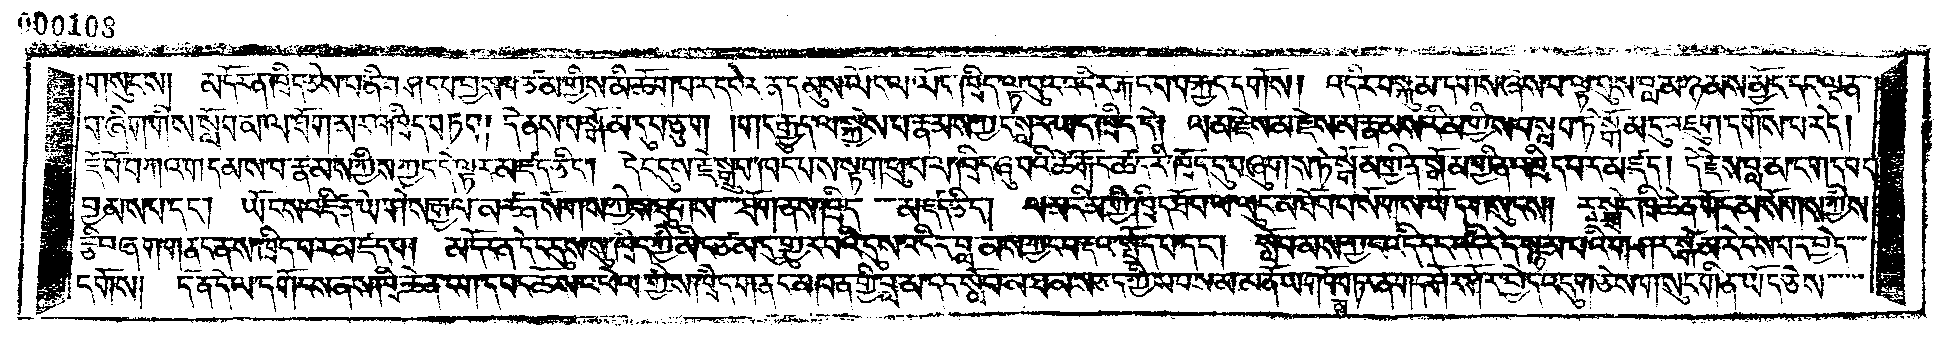གསུངས། མདོར་ན་ཁྲིད་ཅེས་པ་ནི་བཤད་པ་བྱས་པ་ཙམ་གྱིས་མི་ཆོག་པར་དཔེར་ན་དམུས་ལོང་ལ་ལོང་ཁྲིད་ལྟ་བུར་འདིར་རྐང་པ་བརྐྱང་དགོས། འདིར་བསྐུམ་དགོས་ཞེས་པ་ལྟ་བུས་བླ་མ་ཉམས་མྱོང་དང་ལྡན་
པ་ཞིག་གིས་སློབ་མ་ལ་ཐོག་མར་འཁྲིད་བཏབ། དེ་ནས་བསྒོམ་དུ་བཅུག །གང་རྒྱུད་ལ་སྐྱེས་པ་རྣམས་ཀྱང་སླར་ཡང་ཁྲིད་དེ། ལམ་རྗེས་མ་རྗེས་མ་རྣམས་རིམ་གྱིས་བསླབ་ཏེ་སྒོམ་དུ་འཇུག་དགོས་པ་རེད།
ཇོ་བོ་བཀའ་གདམས་པ་རྣམས་ཀྱིས་ཀྱང་དེ་ལྟར་མཛད་ཅིང་། དེང་དུས་རྗེ་སྒྲུབ་ཁང་པས་སྟག་ཕུ་པ་ལ་ཁྲིད་ཞུ་བའི་ཚེ་རྒོད་ཚང་རི་ཁྲོད་དུ་བཞུགས་ཏེ་སྒོམ་གྱིན་སྒོམ་གྱིན་འཁྲིད་པར་མཛད། དེ་རྗེས་བླ་མ་ངག་དབང་
བྱམས་པ་དང་། ཡོངས་འཛིན་ཡེ་ཤེས་རྒྱལ་མཚན་སོགས་ཀྱིས་ཐུགས་ཐོག་ནས་ཁྲིད་མཛད་ཅིང་། ལམ་རིམ་གྱི་ཁྲིད་ཐོབ་ལ་ལུང་མ་ཐོབ་པ་སོགས་ཡོད་གསུངས། རྭ་སྒྲེང་ཁྲི་ཆེན་གོང་མ་སོགས་ཀྱིས་
རྩི་བཞག་གནང་ནས་ཁྲིད་པར་མཛད་པ། མདོར་ན་དེང་དུས་སུ་ཁྲིད་ཀྱི་མིང་ཙམ་དུ་གྱུར་པའི་དུས་འདིར་བླ་མས་ཀྱང་བརྡའ་སྤྲོད་པ་དང་། སློབ་མས་ཀྱང་འདི་དང་འདིར་དེ་སྙམ་པའི་གཤར་སྒོམ་རེ་ངེས་པར་བྱེད་
དགོས། དོན་དེ་ལ་དགོངས་ནས་ཁྲི་ཆེན་ངག་དབང་ཆོས་འཕེལ་གྱིས་ཁྲིད་གནང་མཁན་གྱི་བླ་མ་དང་སློབ་མ་ཐམས་ཅད་ཀྱིས་བསམ་མནོ་ཡག་པོ་མ་བཏང་ན་གད་ཤོར་ཤོར་བྱེད་འདུག་ཅེས་གསུང་གིན་ཡོད་ཅེས་